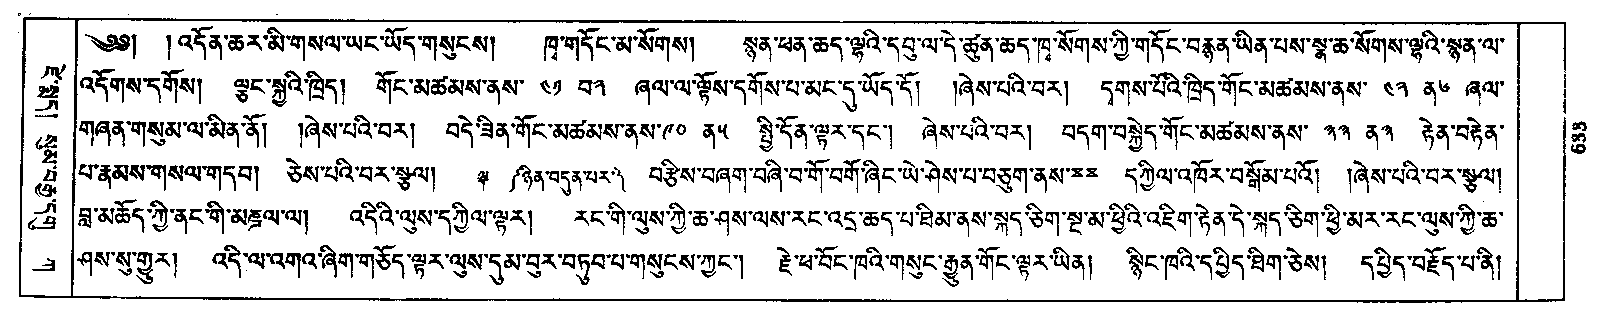༄༅། །འདོན་ཆར་མི་གསལ་ཡང་ཡོད་གསུངས། ཁྭ་གདོང་མ་སོགས། སྙན་ཕན་ཆད་ལྷའི་དབུ་ལ་དེ་ཚུན་ཆད་ཁྭ་སོགས་ཀྱི་གདོང་བརྙན་ཡིན་པས་སྣ་ཆ་སོགས་ལྷའི་སྙན་ལ་
འདོགས་དགོས། ལྕང་སྐྱའི་ཁྲིད། གོང་མཚམས་ནས ༤༡་བ ༢་ཞལ་ལ་ལྟོས་དགོས་པ་མང་དུ་ཡོད་དོ། །ཞེས་པའི་བར། དྭགས་པོའི་ཁྲིད་གོང་མཚམས་ནས ༤༢་ན ༦་ཞལ་
གཞན་གསུམ་ལ་མིན་ནོ། །ཞེས་པའི་བར། བདེ་ཟིན་གོང་མཚམས་ནས ༩༠་ན ༥་སྤྱི་དོན་ལྟར་དང་། ཞེས་པའི་བར། བདག་བསྐྱེད་གོང་མཚམས་ནས ༣༣་ན ༣་རྟེན་བརྟེན་
པ་རྣམས་གསལ་གདབ། ཅེས་པའི་བར་སྩལ། ༈ ཉིན་བདུན་པར྄་བརྩིས་བཞག་བཞི་བ་གོ་བགོ་ཞིང་ཡེ་ཤེས་པ་བཅུག་ནས་྾་྾་དཀྱིལ་འཁོར་བསྒོམ་པའོ། །ཞེས་པའི་བར་སྩལ།
བླ་མཆོད་ཀྱི་ནང་གི་མཎྜལ་ལ། འདིའི་ལུས་དཀྱིལ་ལྟར། རང་གི་ལུས་ཀྱི་ཆ་ཤས་ལས་རང་འདྲ་ཆད་པ་ཐིམ་ནས་སྐད་ཅིག་སྔ་མ་ཕྱིའི་འཇིག་རྟེན་དེ་སྐད་ཅིག་ཕྱི་མར་རང་ལུས་ཀྱི་ཆ་
ཤས་སུ་གྱུར། འདི་ལ་འགའ་ཞིག་གཅོད་ལྟར་ལུས་དུམ་བུར་བཏུབ་པ་གསུངས་ཀྱང་། རྗེ་ཕ་བོང་ཁའི་གསུང་རྒྱུན་གོང་ལྟར་ཡིན། སྙིང་ཁའི་དཔྱིད་ཐིག་ཅེས། དཔྱིད་བརྗོད་པ་ནི།